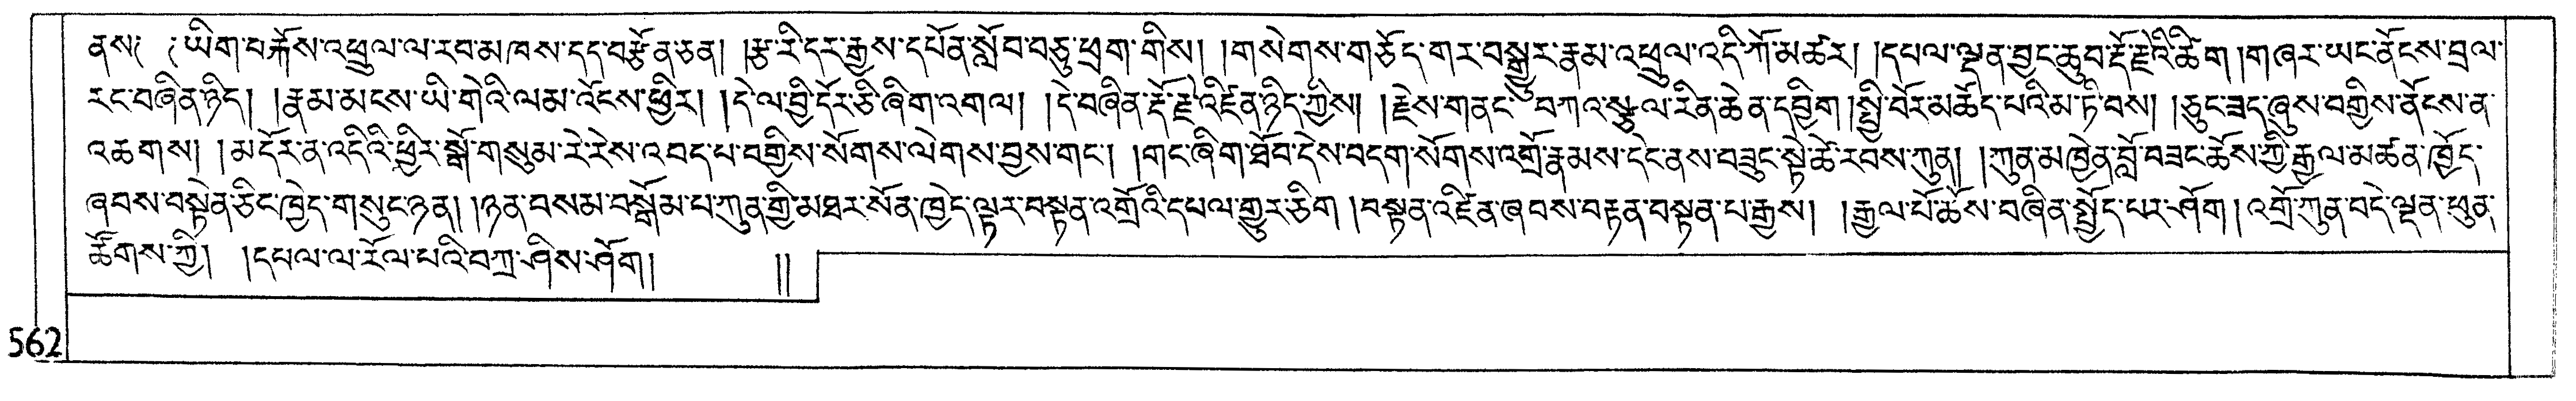ནས༑ ༑ཡིག་བརྐོས་འཕྲུལ་ལ་རབ་མཁས་དད་བརྩོན་ཅན། །རྩ་རི་དར་རྒྱས་དཔོན་སློབ་བཅུ་ཕྲག་གིས། །གསེགས་གཅོད་གར་བསྒྱུར་རྣམ་འཕྲུལ་འདི་ཀོ་མཚར། །དཔལ་ལྡན་བྱང་ཆུབ་རྡོ་རྗེའི་ཚིག །གཞར་ཡང་ནོངས་བྲལ་
རང་བཞིན་ཉིད། །རྣམ་མངས་ཡི་གེའི་ལམ་འོངས་ཕྱིར། །དེ་ལ་བྱི་དོར་ཅི་ཞིག་འགལ། །དེ་བཞིན་རྡོ་རྗེ་འཛིན་ཉིད་ཀྱིས། །རྗེས་གནང་བཀའ་སྩལ་རིན་ཆེན་དབྱིག །སྤྱི་བོར་མཆོད་པའི་མ་ཏི་བས། །ཅུང་ཟད་ཞུས་བགྱིས་ནོངས་ན་
འཆགས། །མདོར་ན་འདིའི་ཕྱིར་སྒོ་གསུམ་རེ་རེས་འབད་པ་བགྱིས་སོགས་ལེགས་བྱས་གང་། །གང་ཞིག་ཐོབ་དེས་བདག་སོགས་འགྲོ་རྣམས་དེང་ནས་བཟུང་སྟེ་ཚེ་རབས་ཀུན། །ཀུན་མཁྱེན་བློ་བཟང་ཆོས་ཀྱི་རྒྱལ་མཚན་ཁྱོད་
ཞབས་བསྟེན་ཅིང་ཁྱེད་གསུང་ཉན། །ཉན་བསམ་བསྒོམ་པ་ཀུན་གྱི་མཐར་སོན་ཁྱེད་ལྟར་བསྟན་འགྲོའི་དཔལ་གྱུར་ཅིག །བསྟན་འཛིན་ཞབས་བརྟན་བསྟན་པ་རྒྱས། །རྒྱལ་པོ་ཆོས་བཞིན་སྤྱོད་པར་ཤོག །འགྲོ་ཀུན་བདེ་ལྡན་ཕུན་
ཚོགས་ཀྱི། །དཔལ་ལ་རོལ་པའི་བཀྲ་ཤིས་ཤོག ། །།